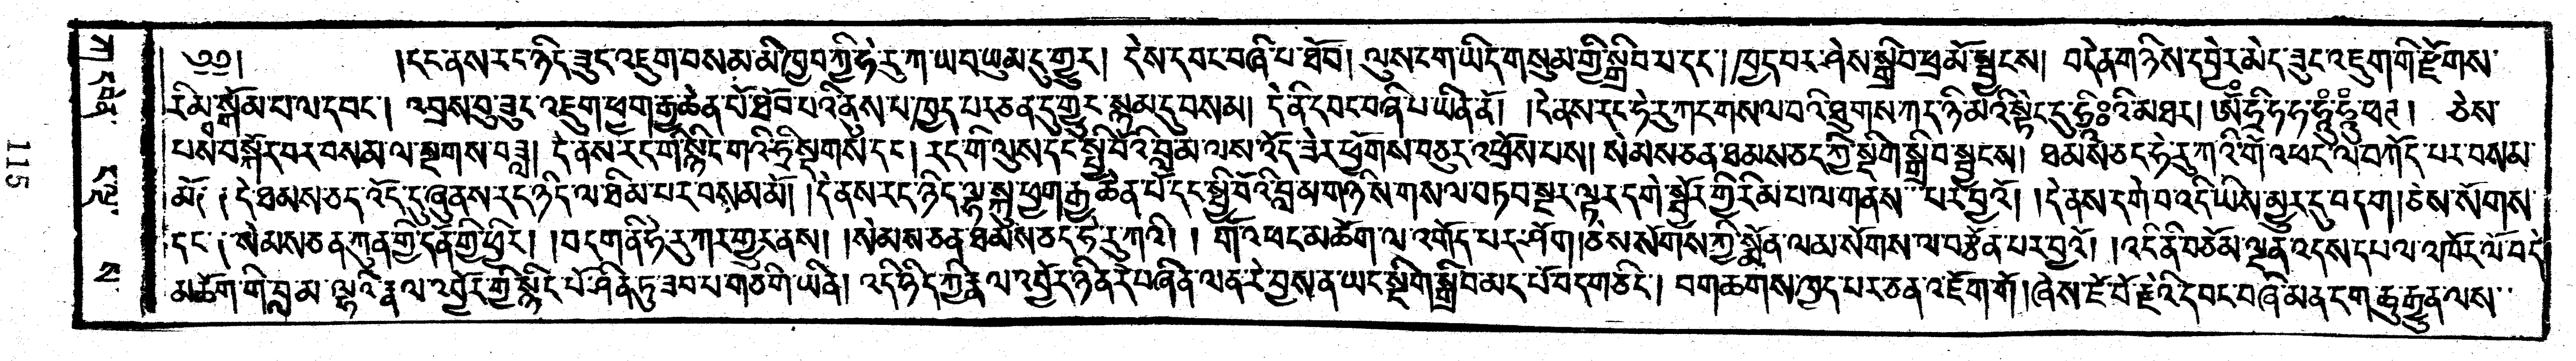༄༅། །དང་ནས་རང་ཉིད་ཟུང་འཇུག་བསམ་མི་ཁྱབ་ཀྱི་ཧེ་རུ་ཀ་ཡབ་ཡུམ་དུ་གྱུར། དེས་དབང་བཞི་པ་ཐོབ། ལུས་ངག་ཡིད་གསུམ་གྱི་སྒྲིབ་པ་དང་། ཁྱད་བར་ཤེས་སྒྲིབ་ཕྲ་མོ་སྦྱངས། བདེན་གཉིས་དབྱེར་མེད་ཟུང་འཇུག་གི་རྫོགས་
རིམ་སྒོམ་པ་ལ་དབང་། འབྲས་བུ་ཟུང་འཇུག་ཕྱག་རྒྱ་ཆེན་པོ་ཐོབ་པའི་ནུས་པ་ཁྱད་པར་ཅན་དུ་གྱུར་སྙམ་དུ་བསམ། དེ་ནི་དབང་བཞི་པ་ཡིན་ནོ། །དེ་ནས་རང་ཧེ་རུ་ཀང་གསལ་བའི་ཐུས་ཀར་ཉི་མའི་སྟེང་དུ་ཧྲཱིཿ འི་མཐར། ཨོཾ་ཧྲི་ཧ་ཧ་ཧཱུཾ་ཧཱུཾ་ཕཊ། ཅེས་
པས་བསྐོར་བར་བསམ་ལ་སྔགས་བཟླ། དེ་ནས་རང་གི་སྙིང་གའི་ཧྲི་སྔགས་དང་། རང་གི་ལུས་དང་སྤྱི་བོའི་བླ་མ་ལས་འོད་ཟེར་ཕྱོགས་བཅུར་འཕྲོས་པས། སེམས་ཅན་ཐམས་ཅད་ཀྱི་སྡིག་སྒྲིབ་སྦྱངས། ཐམས་ཅད་ཧེ་རུ་ཀའི་གོ་འཕང་ལ་བཀོད་པར་བསམ་
མོ༑ ༑དེ་ཐམས་ཅད་འོད་དུ་ཞུ་ནས་རང་ཉིད་ལ་ཐིམ་པར་བསམ་མོ། །དེ་ནས་རང་ཉིད་ལྷ་སྐུ་ཕྱག་རྒྱ་ཆེན་པོ་དང་སྤྱི་བོའི་བླ་མ་གཉིས་གསལ་བཏབ་སྔར་ལྟར་དགེ་སྦྱོར་གྱི་རིམ་པ་ལ་གནས་པར་བྱའོ། །དེ་ནས་དགེ་བ་འདི་ཡིས་མྱུར་དུ་བདག །ཅེས་སོགས་
དང༑ སེམས་ཅན་ཀུན་གྱི་དོན་གྱི་ཕྱིར། །བདག་ནི་ཧེ་རུ་ཀར་གྱུར་ནས། །སེམས་ཅན་ཐམས་ཅད་ཧེ་རུ་ཀའི། །གོ་འཕང་མཆོག་ལ་འགོད་པར་ཤོག །ཅེས་སོགས་ཀྱི་སྨོན་ལམ་སོགས་ལ་བརྩོན་པར་བྱའོ། །འདི་ནི་བཅོམ་ལྡན་འདས་དཔལ་འཁོར་ལོ་བདེ་
མཆོག་གི་བླ་མ་ལྷའི་རྣལ་འབྱོར་གྱི་སྙིང་པོ་ཤིན་ཏུ་ཟབ་པ་གཅིག་ཡིན། འདི་ཉིད་ཀྱི་རྣལ་འབྱོར་ཉིན་རེ་བཞིན་ལན་རེ་བྱས་ན་ཡང་སྡིག་སྒྲིབ་མང་པོ་བདག་ཅིང་། བག་ཆགས་ཁྱད་པར་ཅན་འཇོག་གོ །ཞེས་ཇོ་བོ་རྗེའི་དབང་བཞི་མན་ངག་ཆུ་རྒྱུན་ལས་